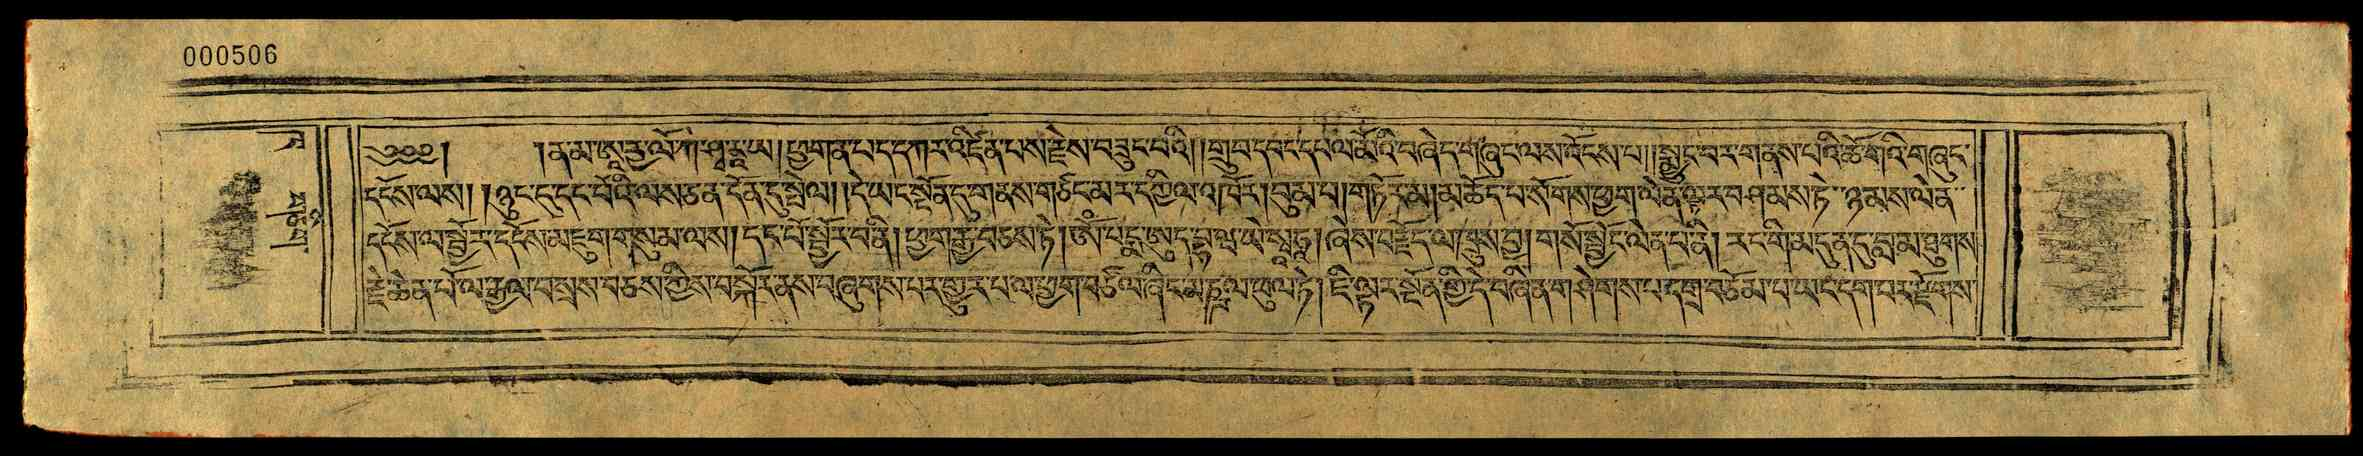༄༅༅། །ནམ་ཨཱ་རྱ་ལོ་ཀེ་ཤྭ་རཱ་ཡ། ཕྱག་ན་པད་དཀར་འཛིན་པས་རྗེས་བཟུང་བའི། །གྲུབ་དབང་དཔལ་མོའི་བཞེད་གཞུང་ལས་འོངས་པ། །སྨྱུང་བར་གནས་པའི་ཆོ་གའི་གཞུང་
དངོས་ལས། །ཉུང་དུ་དང་པོའི་ལས་ཅན་དོན་དུ་སྤེལ། །དེ་ཡང་སྔོན་དུ་གནས་གཙང་མར་དཀྱིལ་འཁོར། བུམ་པ། གཏོར་མ། མཆོད་པ་སོགས་ཕྱག་ལེན་ལྟར་བཤམས་ཏེ་ཉམས་ལེན་
དངོས་ལ་སྦྱོར་དངོས་མཇུག་གསུམ་ལས། དང་པོ་སྦྱོང་བ་ནི། ཕྱག་རྒྱ་བཅས་ཏེ། ཨོཾ་པདམ་ཨུད་བ་ཝ་ཡེ་སྭ་ཧཱ། ཞེས་བརྗོད་ལ་ཁྲུས་བྱ། གསོ་སྦྱོང་ལེན་པ་ནི། རང་གི་མདུན་དུ་བླ་མ་ཐུགས་རྗེ་ཆེན་པོ་ལ་རྒྱལ་བ་སྲས་བཅས་ཀྱིས་བསྐོར་ནས་བཞུགས་པར་གྱུར་བ་ལ་ཕྱག་བཙལ་ཞིང་མཎྜལ་ཕུལ་ཏེ། ཇི་ལྟར་སྔོན་གྱི་དེ་བཞིན་གཤེགས་དགྲ་བཅོམ་པ་ཡང་དག་པར་རྫོགས་